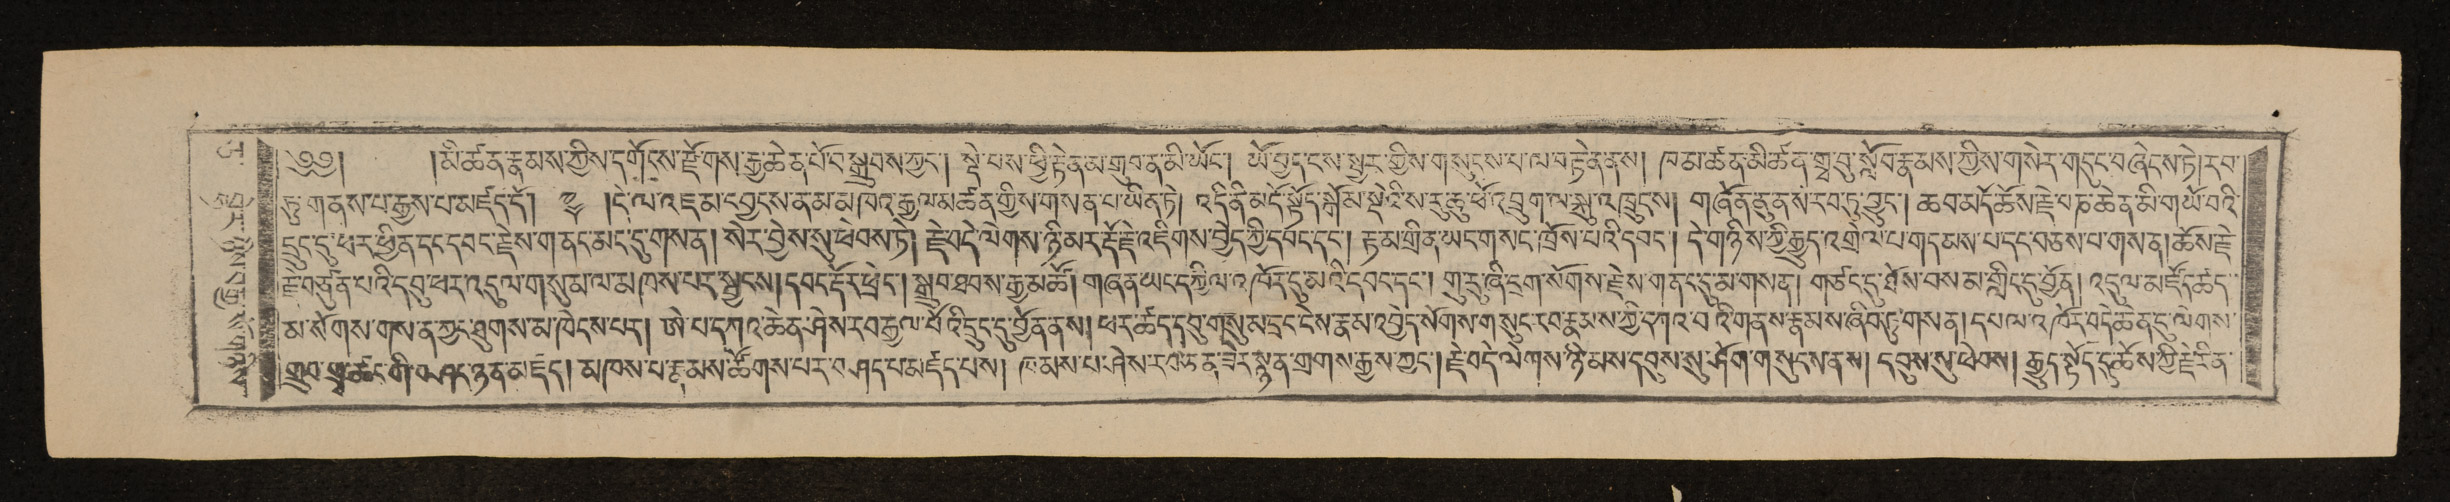༄༅། །མི་ཚན་རྣམས་ཀྱིས་དགོངས་རྫོགས་རྒྱ་ཆེན་པོ་བསྒྲུབས་ཀྱང་། སྡེ་བས་ཕྱི་རྟེན་མ་གྲུབ་ན་མི་ཡོད། ཡོ་བྱད་ངས་སྦྱར་གྱིས་གསུངས་པ་ལ་བརྟེན་ནས། ཁམ་ཚན་མི་ཚན་གྲྭ་བུ་སློབ་རྣམས་ཀྱིས་གསེར་གདུང་བཞེངས་ཏེ། རབ་
ཏུ་གནས་པ་རྒྱས་པ་མཛད་དོ། ༈ །དེ་ལ་འཇམ་དབྱངས་ནམ་མཁའ་རྒྱལ་མཚན་གྱིས་གསན་པ་ཡིན་ཏེ། འདི་ནི་མདོ་སྟོད་སྒོམ་སྡེའི་ས་རུ་ཆུ་ཕོ་འབྲུག་ལ་སྐུ་འཁྲུངས། གཞོན་ནུ་ནས་རབ་ཏུ་བྱུང་། ཆབ་མདོ་ཆོས་རྗེ་པཎ་ཆེན་མི་གཡོ་བའི་
དྲུང་དུ་ཕར་ཕྱིན་དང་དབང་རྗེས་གནང་མང་དུ་གསན། སེར་བྱེས་སུ་ཕེབས་ཏེ། རྗེ་བདེ་ལེགས་ཉི་མར་རྡོ་རྗེ་འཇིགས་བྱེད་ཀྱི་དབང་དང་། རྟ་མགྲིན་ཡང་གསང་ཁྲོས་པའི་དབང་། དེ་གཉིས་ཀྱི་རྒྱུད་འགྲེལ་པ་གདམས་པ་དང་བཅས་པ་གསན། ཆོས་རྗེ་
རྗེ་བཙུན་པའི་དབུ་ཕར་འདུལ་གསུམ་ལ་མཁས་པར་སྦྱངས། དབང་རྡོར་ཕྲེང་། སྒྲུབ་ཐབས་རྒྱ་མཚོ། གཞན་ཡང་དཀྱིལ་འཁོར་དུ་མའི་དབང་དང་། གུ་རུ་ཞི་དྲག་སོགས་རྗེས་གནང་དུ་མ་གསན། གཙང་དུ་ཐོས་བསམ་གླིང་དུ་བྱོན། འདུལ་མཛོད་ཚད་
མ་སོགས་གསན་ཀྱང་ཐུགས་མ་ཁེངས་པར། ཨེ་པ་དཀའ་ཆེན་ཤེས་རབ་རྒྱལ་པོའི་དྲུང་དུ་བྱོན་ནས། ཕར་ཚད་དབུ་གསུམ་དྲང་ངེས་རྣམ་འབྱེད་སོགས་གསུང་རབ་རྣམས་ཀྱི་དཀའ་བའི་གནས་རྣམས་ཞིབ་ཏུ་གསན། དཔལ་འཁོར་བདེ་ཆེན་དུ་ལེགས་
གྲུབ་གྲྭ་ཚང་གི་བཤད་ཉན་མཛད། མཁས་པ་རྣམས་ཚོགས་པར་བཤད་པ་མཛད་པས། ཁམས་པ་ཤེས་རབ་ཅན་ཟེར་སྙན་གྲགས་རྒྱས་ཀྱང་། རྗེ་བདེ་ལེགས་ཉི་མས་དབུས་སུ་ཤོག་གསུངས་ནས། དབུས་སུ་ཕེབས། རྒྱུད་སྟོང་དུ་ཆོས་ཀྱི་རྗེ་རིན་